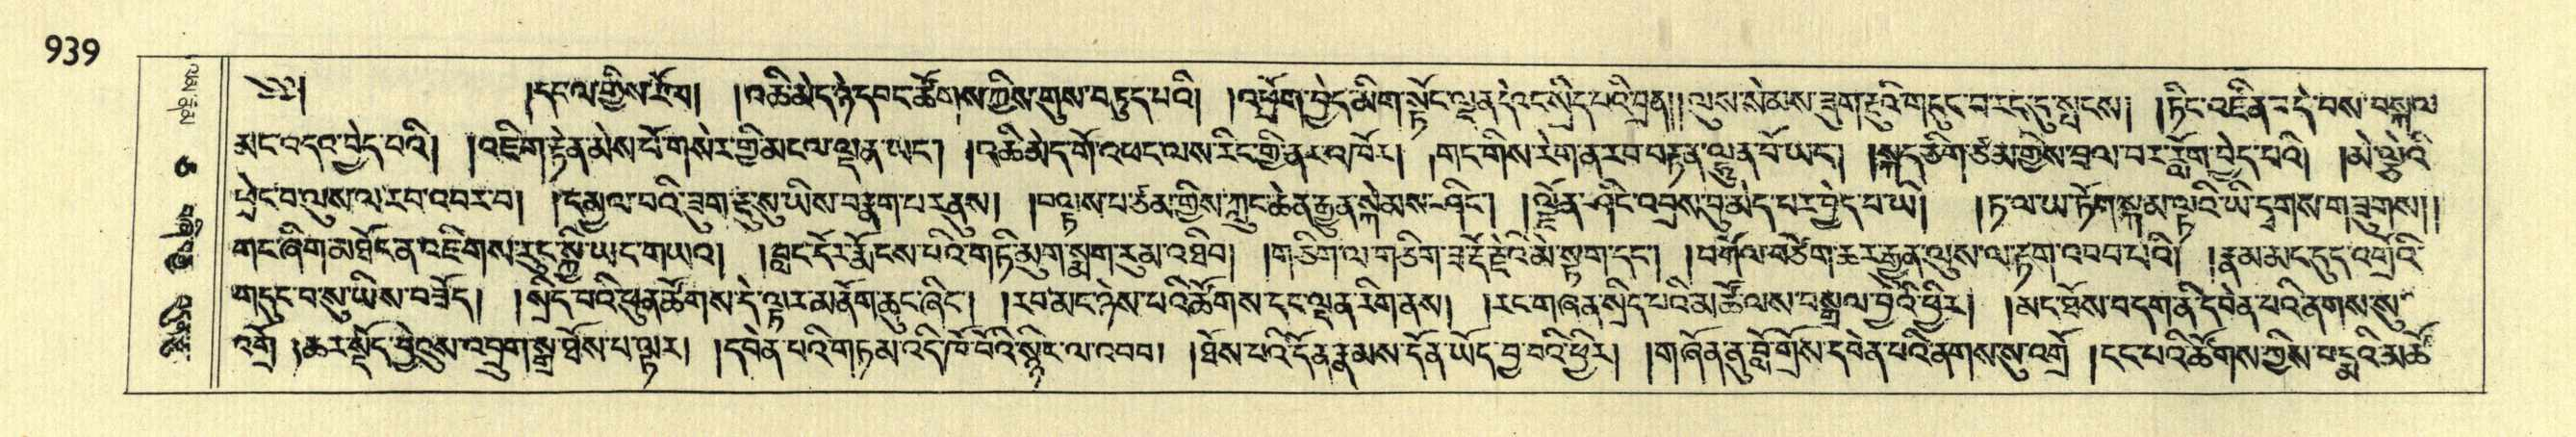༄༅། །དང་ལ་གྱིས་རོལ། །འཆི་མེད་ཉེ་དབང་ཚོགས་ཀྱིས་གུས་བཏུད་པའི། །འཕྲོག་བྱེད་མིག་སྟོང་ལྡན་དེའང་སྲིད་པའི་བྲན། །ལུས་སེམས་ཟུག་རྡུའི་གདུང་བ་རང་དུ་སྤངས། །ཏིང་འཛིན་བདེ་བས་བསྐལ་
མང་འདའ་བྱེད་པའི། །འཇིག་རྟེན་མེས་པོ་གསེར་གྱི་མངལ་ལྡན་ཡང་། །འཆི་མེད་གོ་འཕང་ལས་རིང་གྱི་ནར་འཁོར། །གང་གིས་རེག་ན་རབ་བརྟན་ལྷུན་པོ་ཡང་། །སྐད་ཅིག་ཙམ་གྱིས་བྲལ་བར་རློག་བྱེད་པའི། །མེ་ལྕེའི་
ཕྲེང་བ་ལུས་ལ་རབ་འབར་བ། །དམྱལ་བའི་ཟུག་རྡུ་སུ་ཡིས་བྲང་པར་ནུས། །བལྟས་པ་ཙམ་གྱིས་ཀླུང་ཆེན་རྒྱུན་སྐེམས་ཤིང་། །ལྗོན་ཤིང་འབྲས་བུ་མེད་པར་བྱེད་པ་ཡི། །ཏ་ལ་ཡ་ཏོག་སྐམ་ལྟའི་ཡི་དྭགས་གཟུགས། །
གང་ཞིག་མཐོང་ན་འཇིགས་རུང་སྐྱི་ཡང་གཡའ། །བླང་དོར་རྨོངས་པའི་གཏི་མུག་སྨག་རུམ་འཐིབ། །གཅིག་ལ་གཅིག་ཟ་རྡོ་རྗེའི་མེ་སྟག་དང་། །བགོལ་བཙེག་ཆར་རྒྱུན་ལུས་ལ་རྟག་འབབ་པའི། །རྣམ་མང་དུད་འགྲོའི་
གདུང་བ་སུ་ཡིས་བཟོད། །སྲིད་པའི་ཕུན་ཚོགས་དེ་ལྟར་མནོག་ཆུང་ཞིང་། །རབ་མང་ཉེས་པའི་ཚོགས་དང་ལྡན་རིག་ནས། །རང་གཞན་སྲིད་པའི་མཚོ་ལས་བསྒྲལ་བྱའི་ཕྱིར། །མང་ཐོས་བདག་ནི་དབེན་པའི་ནགས་སུ་
འགྲོ་།ཆར་སྡོད་བྱེའུས་འབྲུག་སྒྲ་ཐོས་པ་ལྟར། །དབེན་པའི་གཏམ་འདི་ཁོ་བོའི་སྙིང་ལ་འབབ། །ཐོས་པའི་དོན་རྣམས་དོན་ཡོད་བྱ་བའི་ཕྱིར། །གཞོན་ནུ་བློ་གྲོས་དབེན་པའི་ནགས་སུ་འགྲོ་།ངང་པའི་ཚོགས་ཀྱིས་པདམའི་མཚོ་